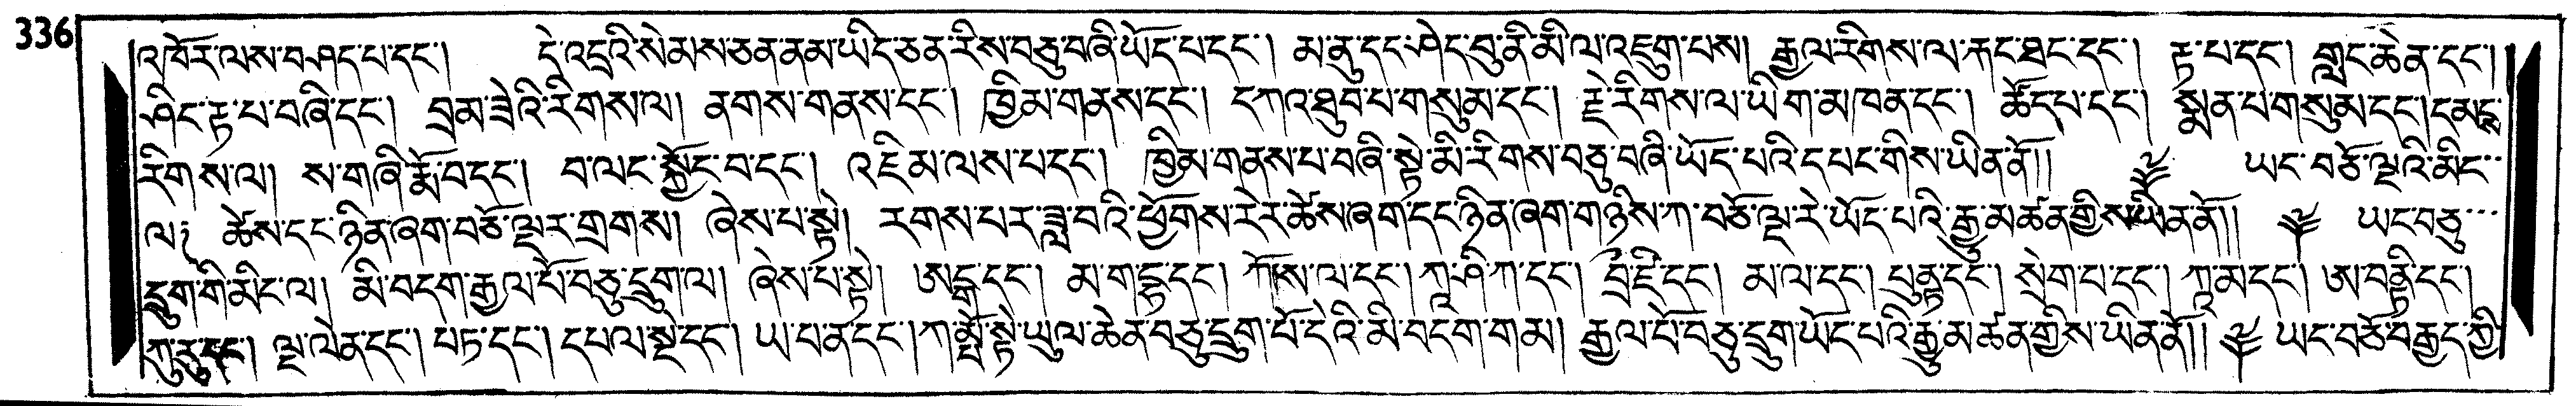འཁོར་ལས་བཤད་པ་དང་། དེ་འདྲའི་སེམས་ཅན་ནམ་ཡིད་ཅན་རིས་བཅུ་བཞི་ཡོད་པ་དང་། མ་ནུ་དང་ཤེད་བུ་ནི་མི་ལ་འཇུག་པས། རྒྱལ་རིགས་ལ་རྐང་ཐང་དང་། རྟ་པ་དང་། གླང་ཆེན་དང་།
ཤིང་རྟ་པ་བཞི་དང་། བྲམ་ཟེའི་རིགས་ལ། ནགས་གནས་དང་། ཁྱིམ་གནས་དང་། དཀའ་ཐུབ་པ་གསུམ་དང་། རྗེ་རིགས་ལ་ཡིག་མཁན་དང་། ཚོད་པ་དང་། སྨན་པ་གསུམ་དང་། དམངས་
རིགས་ལ། ས་གཞི་རྨོ་བ་དང་། བ་ལང་སྐྱོང་བ་དང་། འཇིམ་ལས་པ་དང་། ཁྱིམ་གནས་པ་བཞི་སྟེ་མི་རིགས་བཅུ་བཞི་ཡོད་པའི་དབང་གིས་ཡིན་ནོ།། འ་ཡང་བཅོ་ལྔའི་མིང་
ལ༑ ཚེས་དང་ཉིན་ཞག་བཅོ་ལྡར་གྲགས། ཞེས་པ་སྟེ། རགས་པར་ཟླ་བའི་ཕྱོགས་རེར་ཚེས་ཞག་དང་ཉིན་ཞག་གཉིས་ཀ་བཅོ་ལྡ་རེ་ཡོད་པའི་རྒྱུ་མཚན་གྱིས་ཡོན་ནོ།། འ་ཡང་བཅུ་
དྲུག་གི་མིང་ལ། མི་བདག་རྒྱལ་པོ་བཅུ་དྲུག་ལ། ཞེས་པ་སྟེ། ཨངྒ་དང་། མ་ག་དྷ་དང་། ཀོ་ས་ལ་དང་། ཀཱ་ཤི་ཀ་དང་། བྲྀ་ཛི་དང་། མ་ལ་དང་། པུནྟ་དང་། སྲེག་པ་དང་། ཀཱ་མ་དང་། ཨ་བནྟི་དང་།
ཀུ་རུ་དང་། ལྔ་ལེན་དང་། པཏ་དང་། དཔལ་སྡེ་དང་། ཡ་བ་ན་དང་། ཀ་མྤོ་སྟེ་ཡུལ་ཆེན་བཅུ་དྲུག་པོ་དེའི་མི་བདག་གམ། རྒྱལ་པོ་བཅུ་དྲུག་ཡོང་པའི་རྒྱུ་མཚན་གྱིས་ཡིན་ནོ།། འ་ཡང་བཅོ་བརྒྱད་ཀྱི་